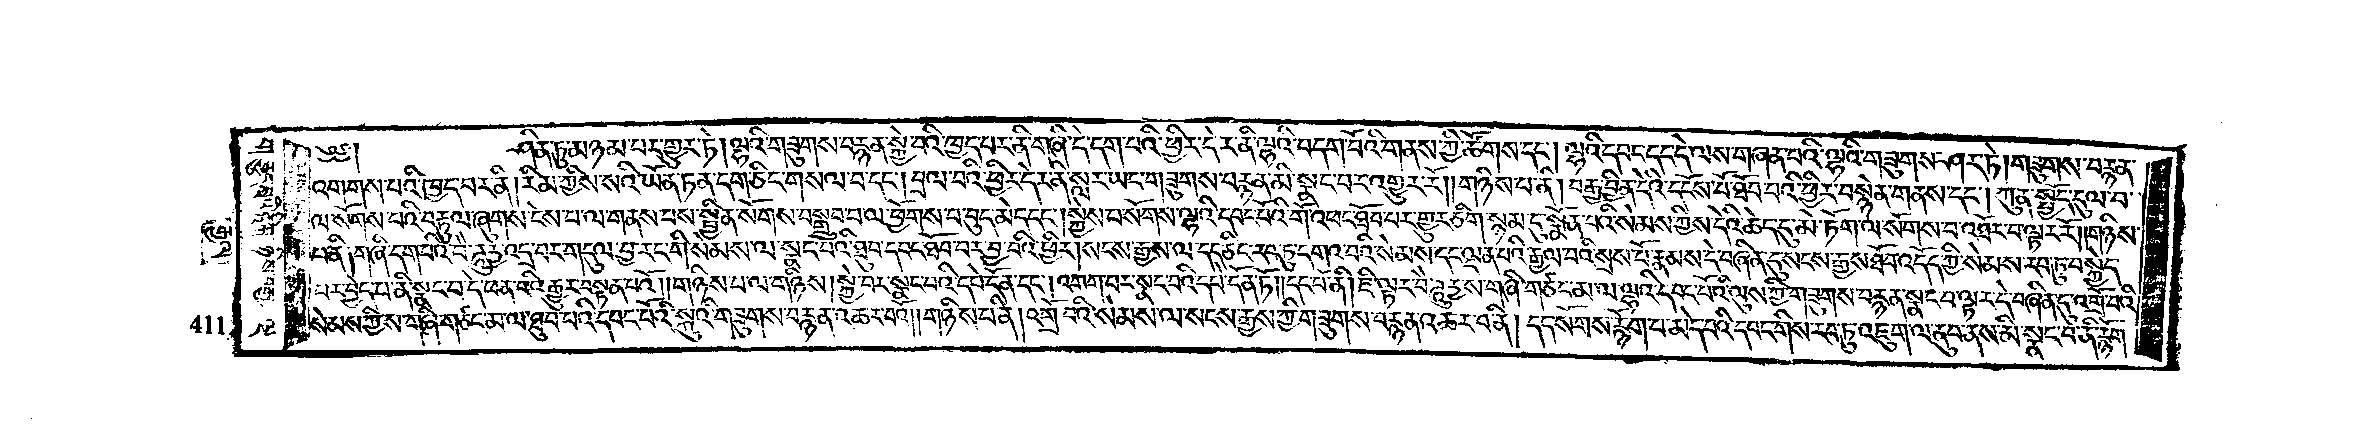༄༅། །ཤིང་ཏུ་མཉམ་པར་གྱུར་ཏེ་ལྷའི་གཟུགས་བརྙན་སྐྱེ་བའི་ཁྱད་པར་ནི་གཞི་དེ་དག་པའི་ཕྱིར་དེར་ན་ལྷའི་བདག་པོའི་གནས་ཀྱི་ཚོགས་དང་། ལྷའི་དབང་དང་དེ་ལས་གཞན་པའི་ལྷའི་གཟུགས་ཤར་ཏེ། གཟུགས་བརྙན་
འགགས་པའི་ཁྱད་པར་ནི། རིམ་གྱིས་སའི་ཡོན་ཏན་དག་ཅིང་གསལ་བ་དང་། བྲལ་བའི་ཕྱིར་དེར་ནི་སླར་ཡང་གཟུགས་བརྙན་མི་སྣང་བར་འགྱུར་རོ། །གཉིས་པ་ནི། བརྒྱ་བྱིན་དེའི་དངོས་པོ་ཐོབ་པའི་ཕྱིར་བསྙེན་གནས་དང་། ཀུན་སྤྱོད་དུལ་བ་
ལ་སོགས་པའི་བརྟུལ་ཞུགས་ངེས་པ་ལ་གནས་པས་སྦྱིན་སོགས་བསྒྲུབ་པ་ལ་ཕྱོགས་པ་བུད་མེད་དང་། སྐྱེས་པ་སོགས་ལྷའི་དབང་པོའི་གོ་འཕང་ཐོབ་པར་གྱུར་ཅིག་སྙམ་དུ་སྨོན་པའི་སེམས་ཀྱིས་དེའི་ཆེད་དུ་མེ་ཏོག་ལ་སོགས་པ་འཐོར་བ་ལྟར་རོ། །གཉིས་
པ་ནི། གཞི་དག་པའི་བཻ་ཌཱུ་རྱ་འདྲ་བར་གདུལ་བྱ་རང་གི་སེམས་ལ་སྣང་བའི་ཐུབ་དབང་ཐོབ་པར་བྱ་བའི་ཕྱིར། སངས་རྒྱས་ལ་དད་ཅིང་རབ་ཏུ་དགའ་བའི་སེམས་དང་ལྡན་པའི་རྒྱལ་བའི་སྲས་པོ་རྣམས་དེ་བཞིན་དུ་སངས་རྒྱས་ཐོབ་འདོད་ཀྱི་སེམས་རབ་ཏུ་བསྐྱེད་
པར་བྱེད་པ་ནི་སྣང་བ་དེ་ཕན་པའི་རྒྱུར་བསྟན་པའོ། །གཉིས་པ་ལ་གཉིས། སྐྱེ་བར་སྣང་བའི་དཔེ་དོན་དང་། འགག་པར་སྣང་བའི་དཔེ་དོན་ཏོ། །དང་པོ་ནི། ཇི་ལྟར་བཻ་ཌཱུ་རྱ་གཞི་གཙང་མ་ལ་ལྷའི་དབང་པོའི་ལུས་ཀྱི་གཟུགས་བརྙན་སྣང་བ་ལྟར་དེ་བཞིན་དུ་འགྲོ་བའི་
སེམས་ཀྱི་ས་གཞི་གཙང་མ་ལ་ཐུབ་པའི་དབང་པོའི་སྐུའི་གཟུགས་བརྙན་འཆར་བའོ། །གཉིས་པ་ནི། འགྲོ་བའི་སེམས་ལ་སངས་རྒྱས་ཀྱི་གཟུགས་བརྙན་འཆར་བ་ནི། དད་སོགས་རྙོག་པ་མེད་པའི་དབང་གིས་རབ་ཏུ་འཇུག་ལ་ནུབ་ནས་མི་སྣང་བ་ནི་རྙོག་